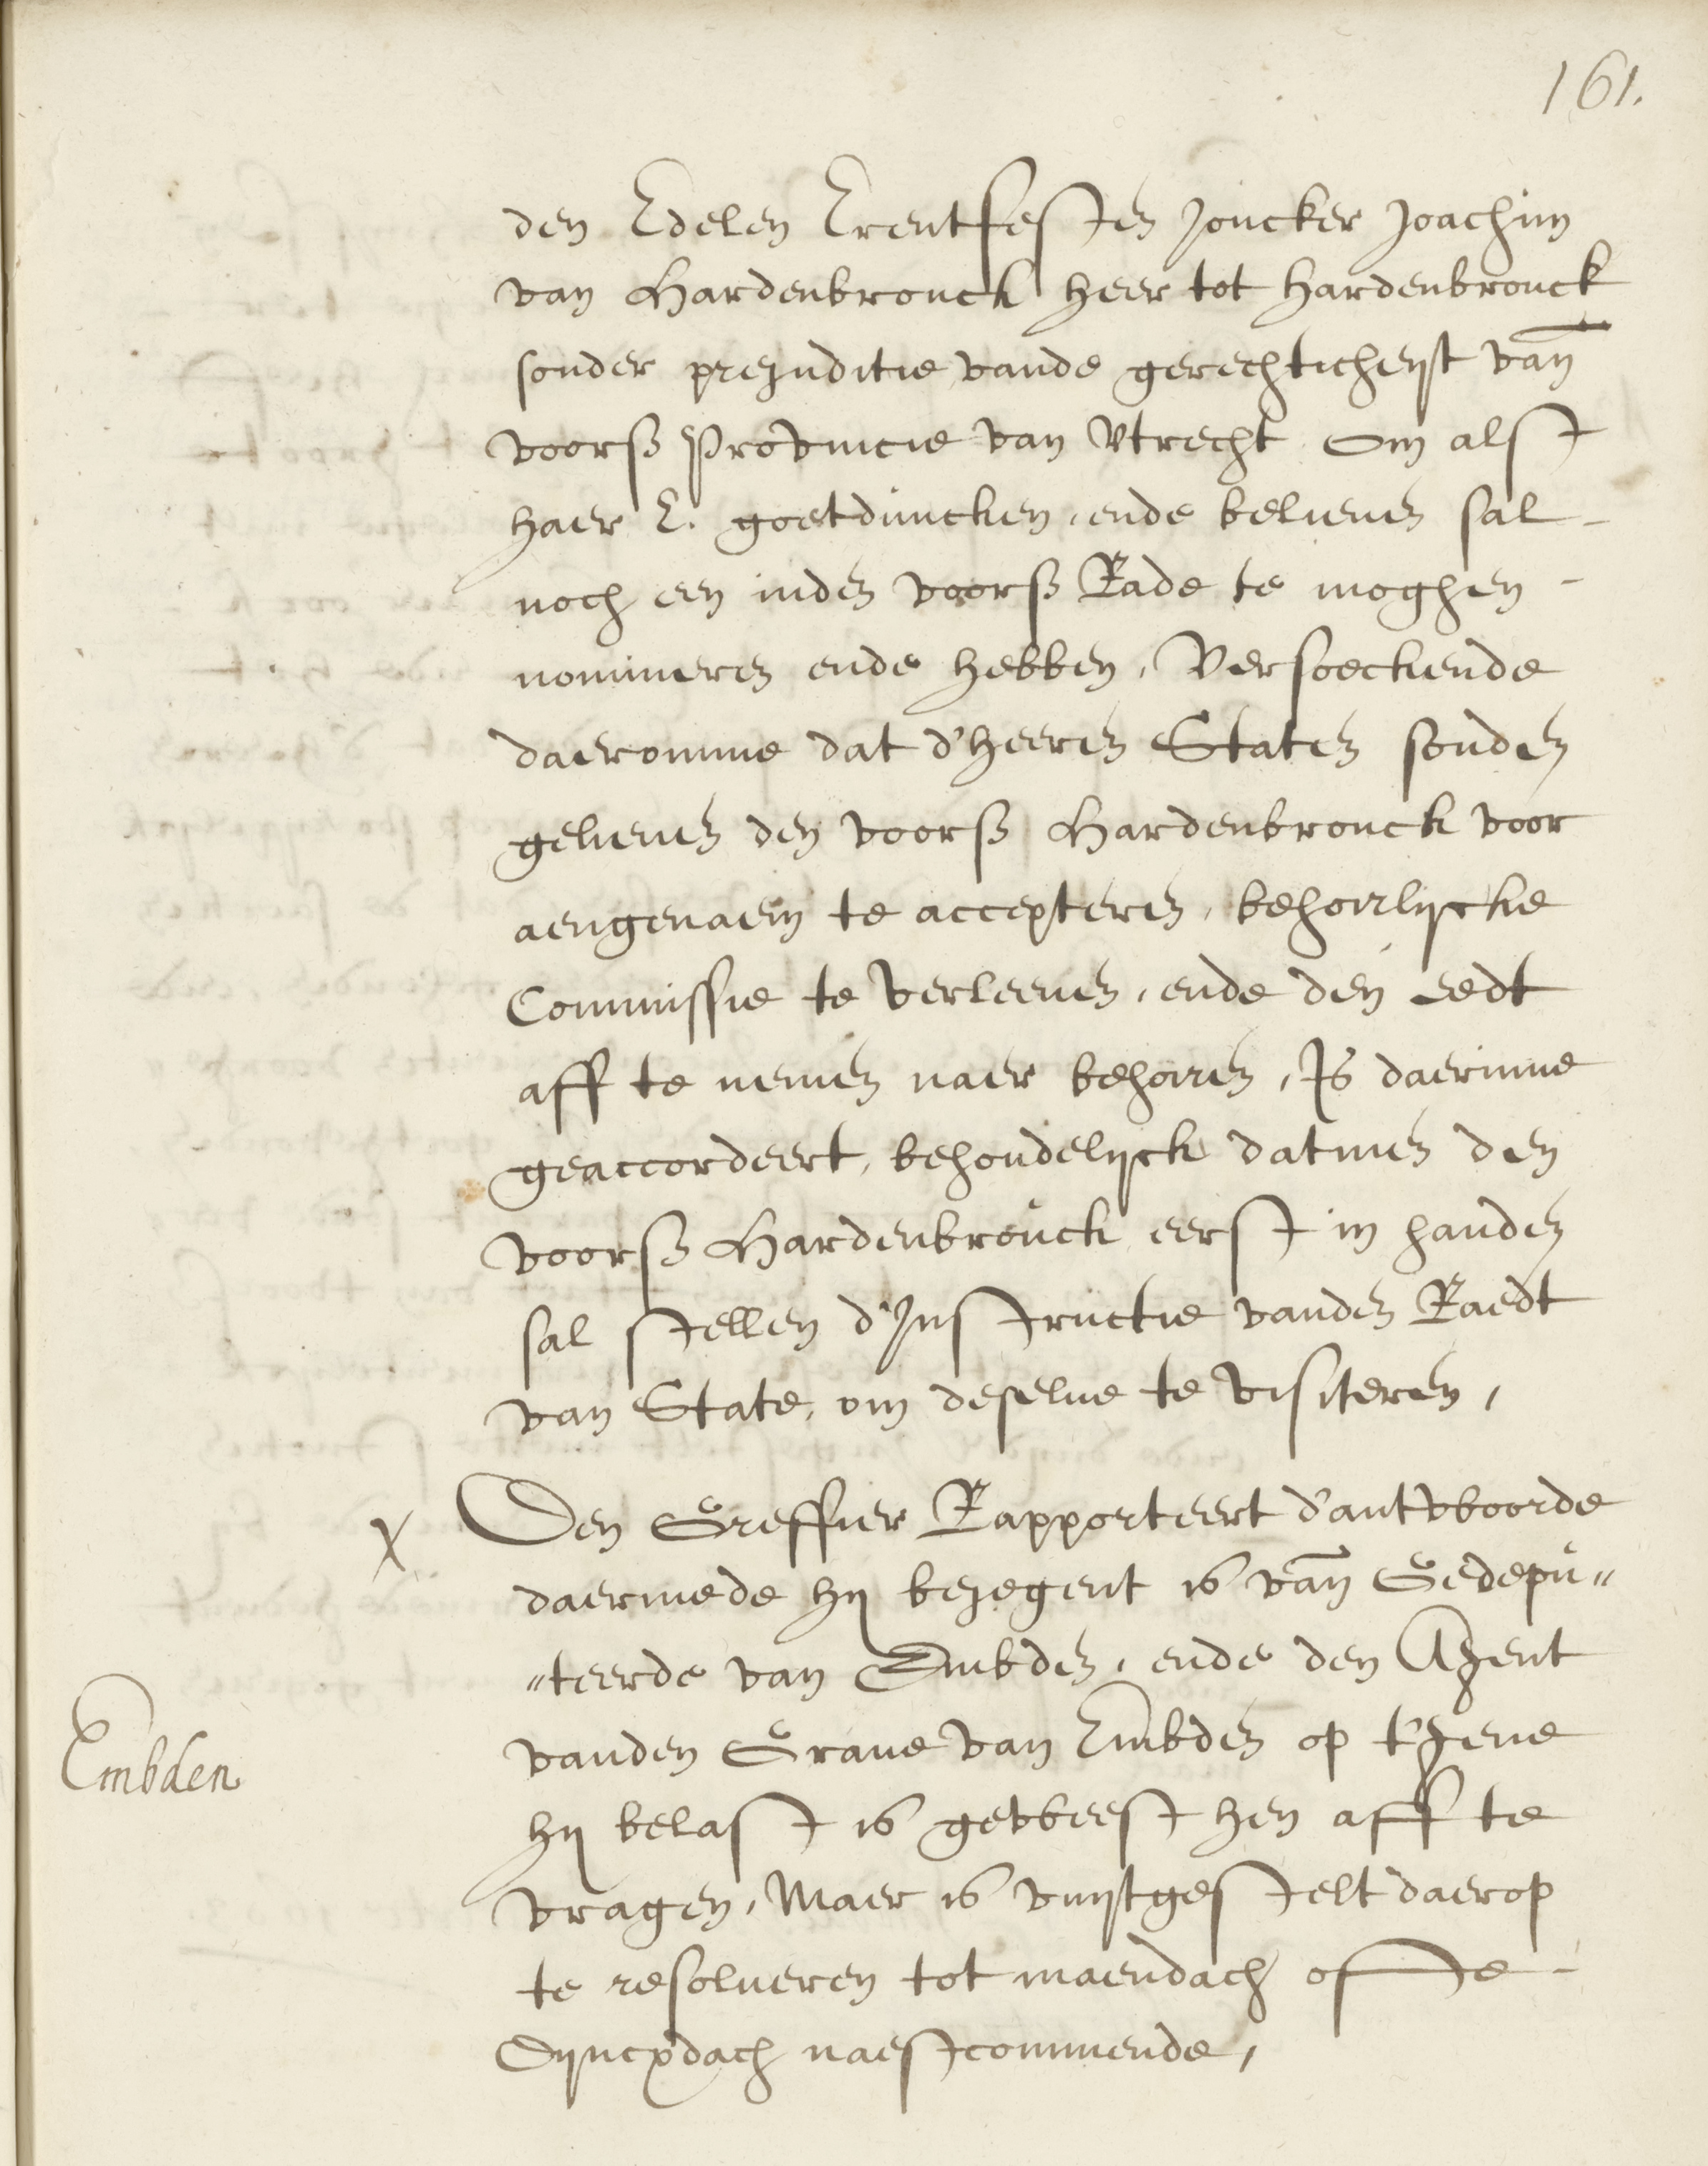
161.
den Edelen Erentfesten joncker Joachim
van Hardenbrouck heer tot Hardenbrouck
sonder prejuditie vande gerechticheyt van
voors Provincie van Utrecht, om alst
haer E. goetduncken, ende belieuen sal
noch een inden voors Rade te moghen
nomineren, ende hebben, versoeckende
daeromme dat d'heeren Staten souden
gelieuen den voors Hardenbrouck voor
aengenaem te accepteren, behoirlijcke
Commissie te verleenen, ende den eedt
aff te nemen naer behoiren. Is daerinne
geaccordeert, behoudelyck datmen den
voors Hardenbrouck eerst in handen
sal stellen d'Instructie vanden Raedt
van State, om deselve te visiteren.
Embden
Den Greffier rapporteert d'antwoorde
daermede hy bejegent is van Gedepu„
,,teerde van Embden, ende den Agent
vanden Graue van Embden op t'gene
hy belast is geweest hen aff te
vragen, maer is uuytgestelt daerop
te resolueren tot maendach ofte
dyncxdach naestcommende.
